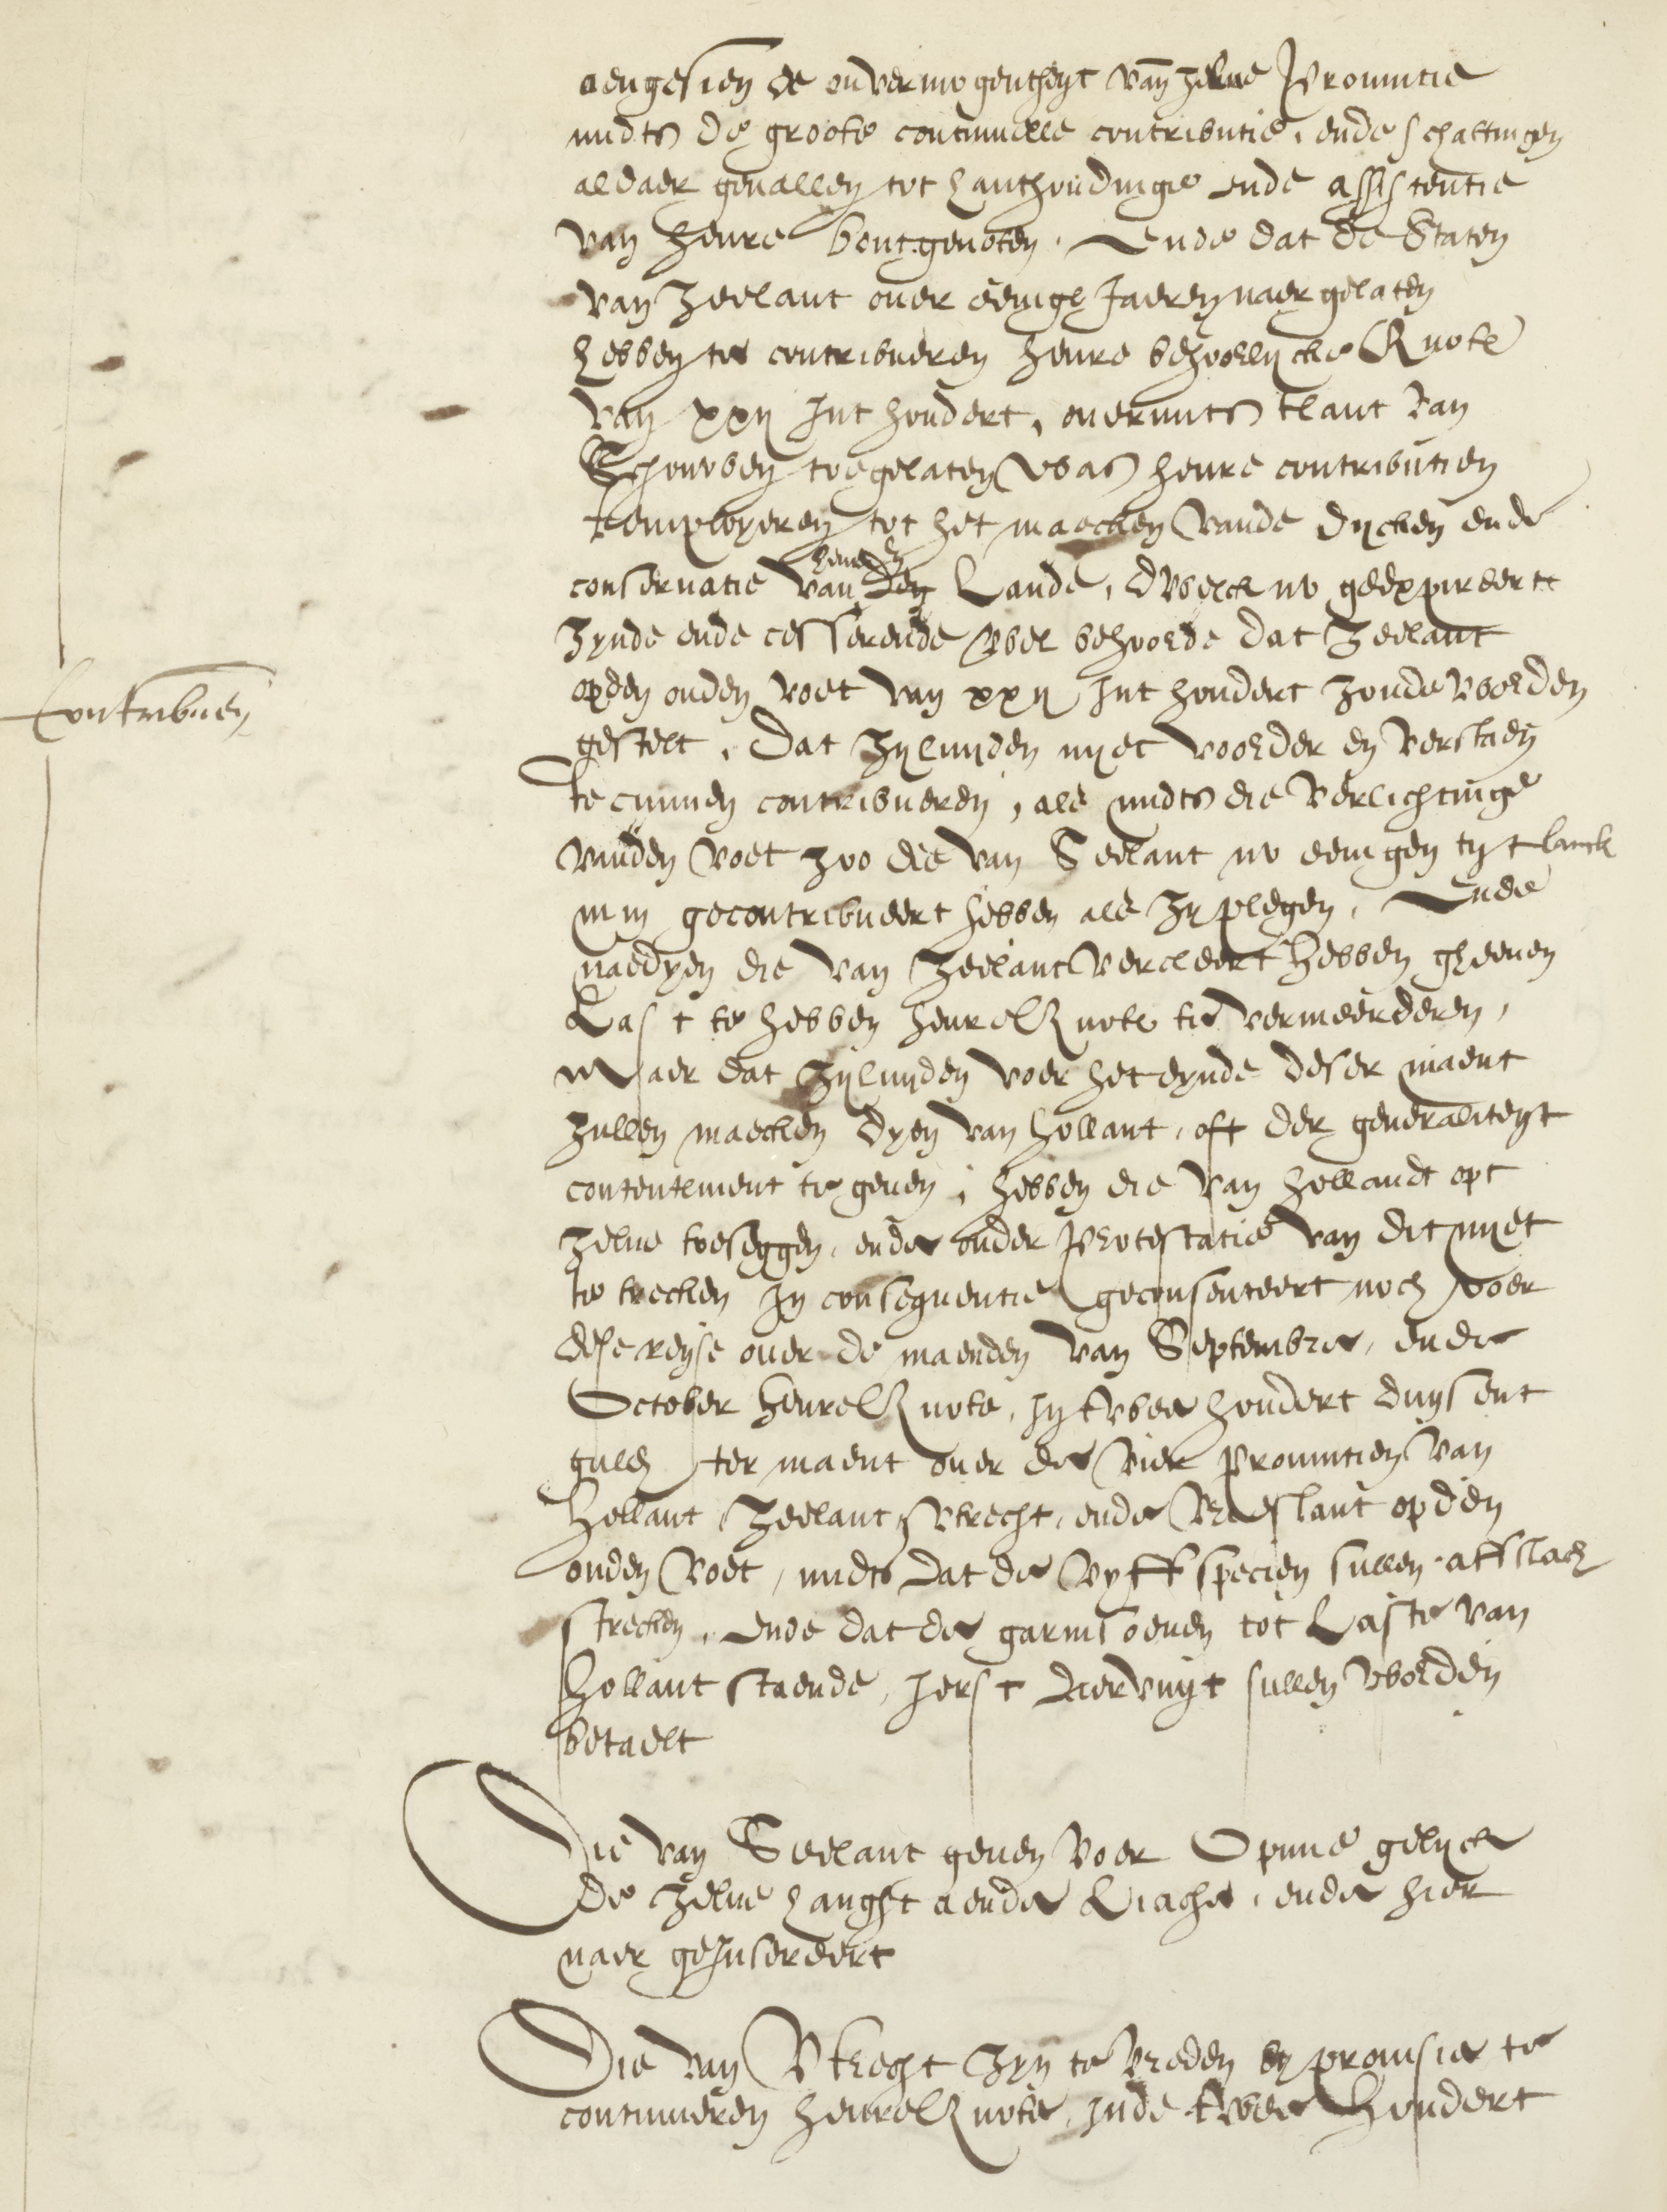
Contribue
aengesien de onvermogentheyt van zelve prouincie
midts de groote continuele contributie, ende schattingen
aldaer geuallen tot hanthoudinge ende assistentie
van heure bontgenoten, ende dat de Staten
van Zeelant ouer eenige Jaeren naer gelaten
hebben te contribueren heure behoorlycke Quote
van xxij Int hondert, ouermits tlant van
Schouwen toe gelaten was heure contributien
temployeren tot het maecken vande dycken ende
conseruatie van heure den lande, dwelck nu geexpireert
zynde ende cesserende wel behoorde dat Zeelant
opden ouden voet van xxij int hondert zoude worden
gestelt, dat zijluijden nyet voorder en verstaen
te cunnen contribueren, als midts die verlichtinge
vanden voet zoo die van Seelant nu eenigen tyt lanck
min gecontribueert hebben als zy plegen, ende
naedyen die van Zeelant vercleert hebben gheenen
Last te hebben heur Quote te vermeerderen,
maer dat zijluyden voer het eynde deser maent
zullen maecken dyen van Holland, oft der generaliteyt
contentement te geven; hebben die van Hollant opt
zelve toeseggen, ende onder protestatie van dit nyet
te trecken In consequentie geconsenteert noch voer
dese reyse ouer de maenden van Septembre ende
October heur Quote in twee hondert duysent
gulen ter maent over de vier prouintien van
Hollant, Zeelant, Utrecht ende Vrieslant opden
ouden voet, midts dat de vyff specien sullen affslach
strecken, ende dat de garnisoenen tot laste van
hollant staende Ierst daervuijt sullen worden
betaelt.
Die van Seelant geuen voer opinie gelyck
de zelve hanght aenden liashe, ende hier
naer geInsereert
Die van Utrecht zyn te vreden by prouisie te
continueren heure Quote Inde twee hundert
